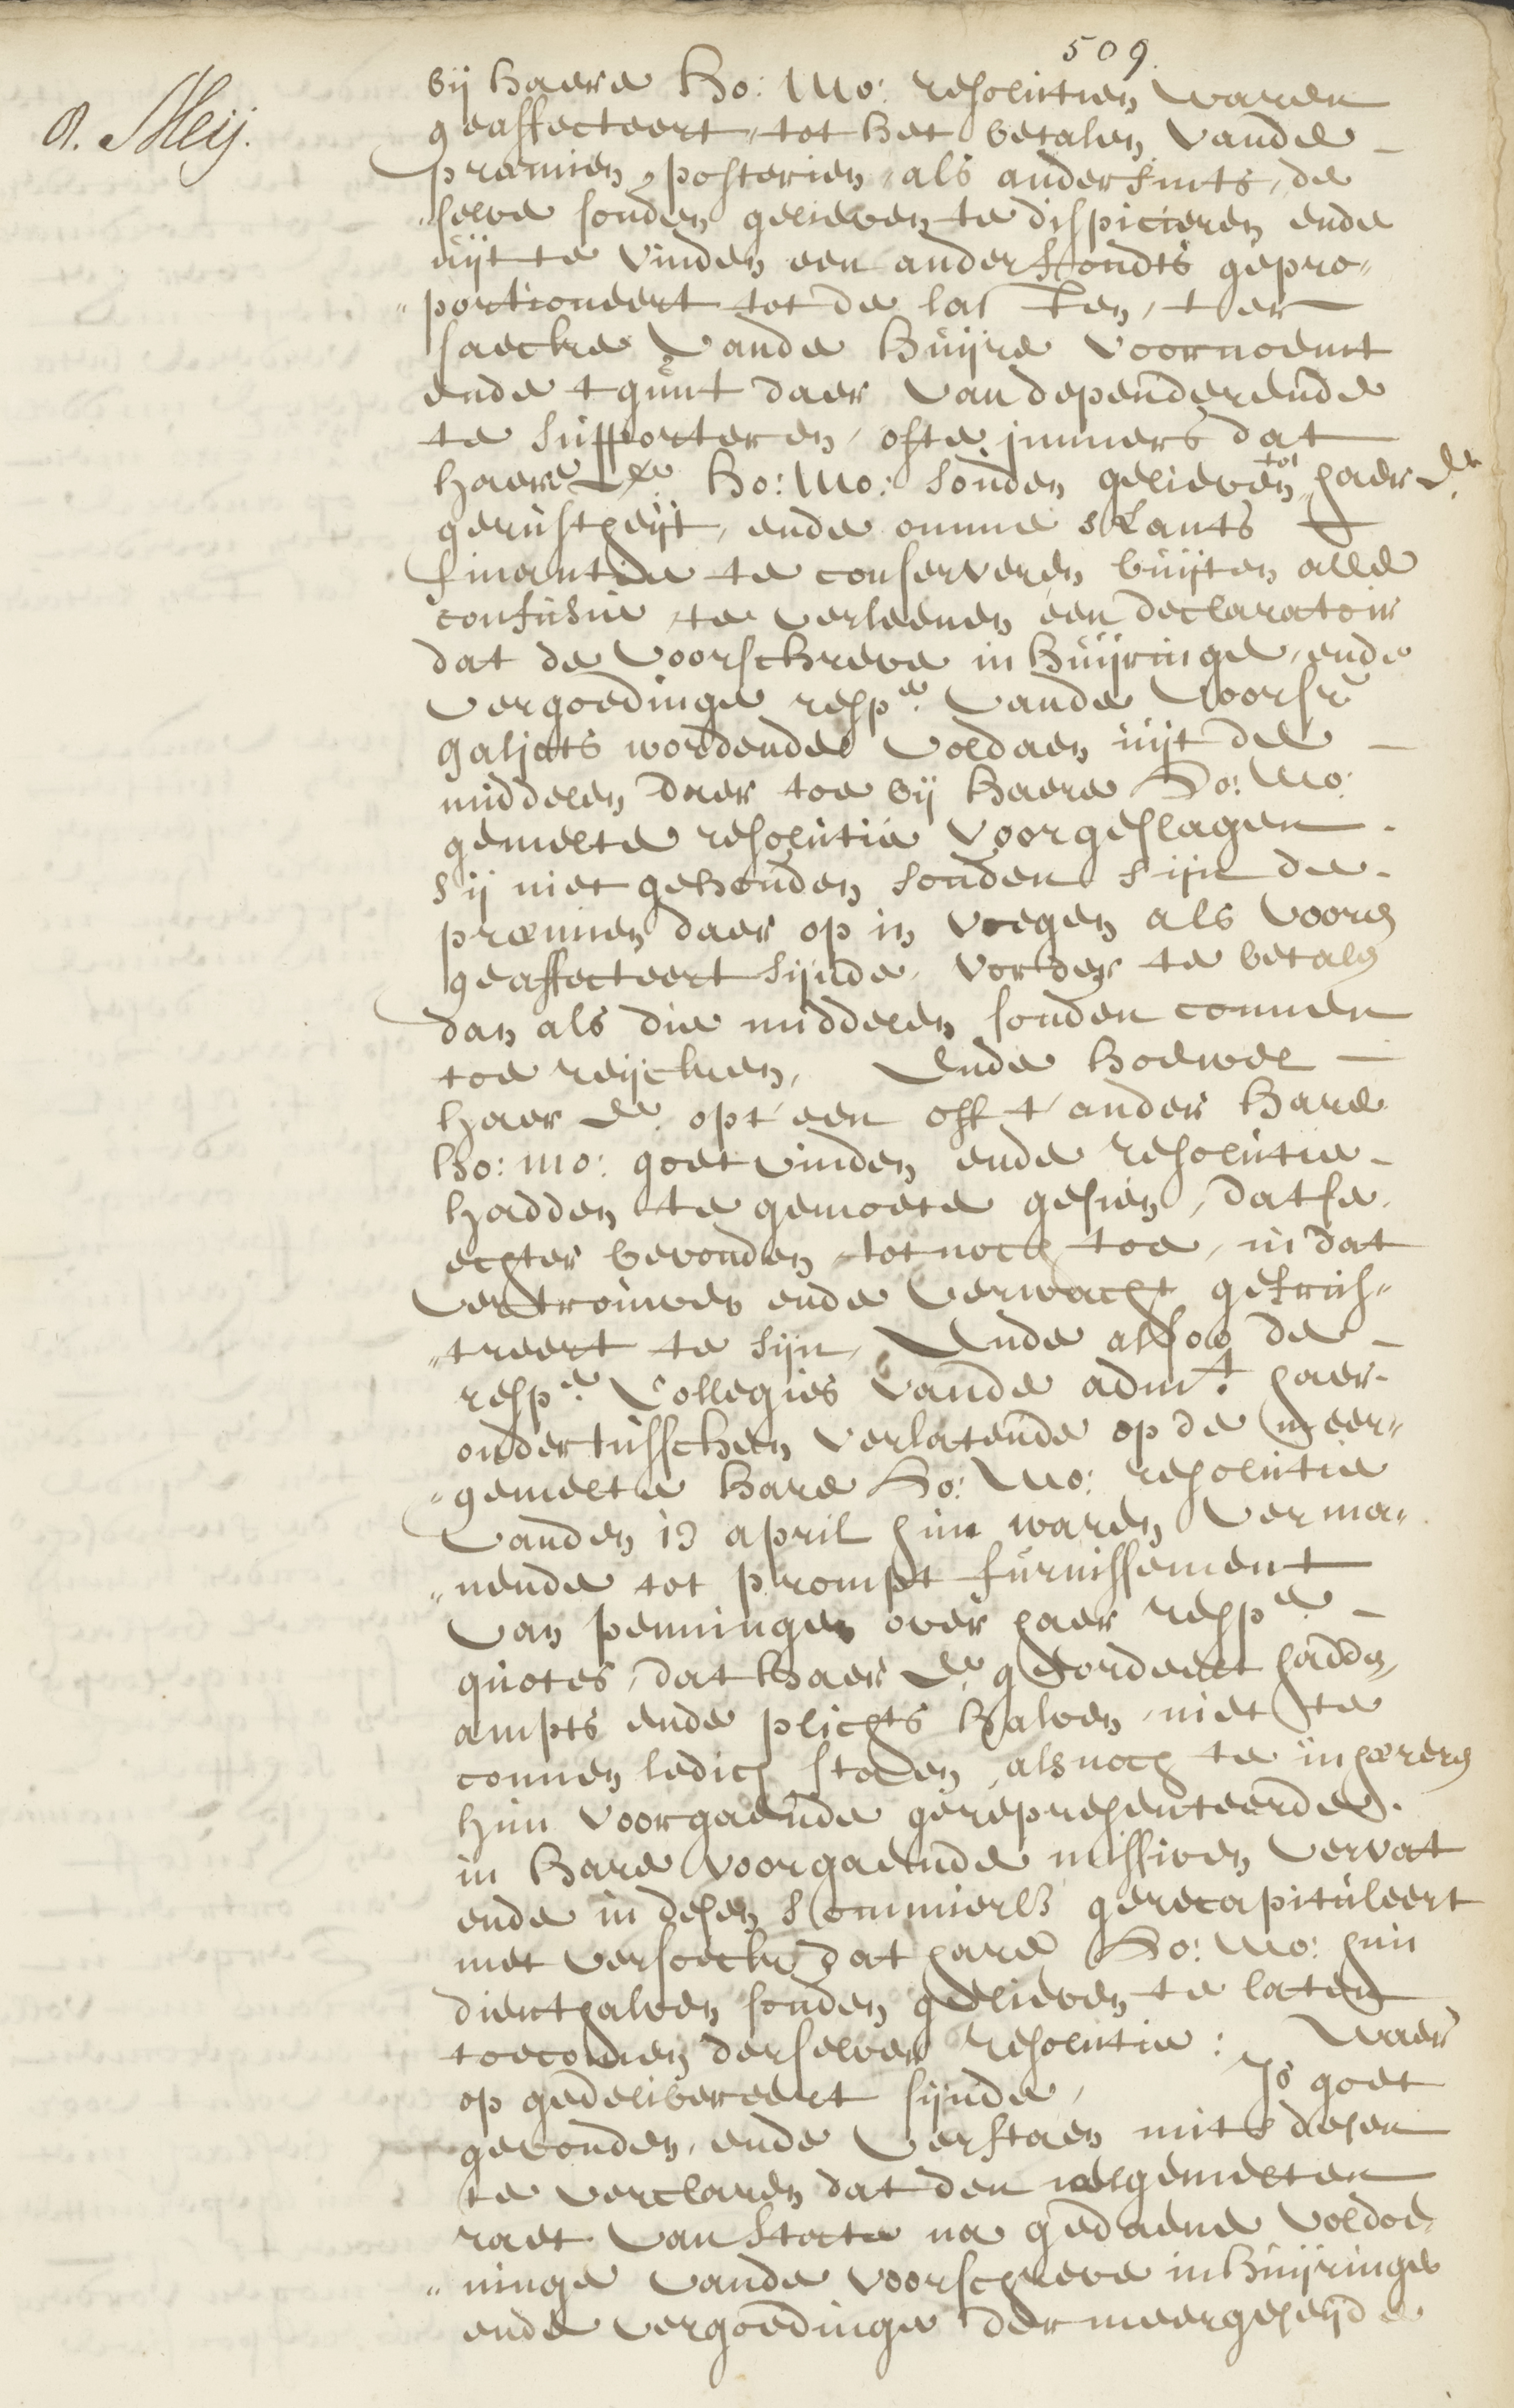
509
8 Meij
bij haere Ho:Mo: resolutien waren
geaffecteert tot het betalen vande
præmien, posterien als andersints, de
selve souden gelieven te dispicieren ende
uijt te vinden een ander fondts gepro„
portioneert tot de lasten, ter
saecke vande huijre voornoemt
ende t gunt daer van dependerende
te supporteren, ofte immers dat
haere E. Ho:Mo: souden gelieven tot haer E.
gerustheijt, ende omme s Lants —
finantie te conserveren buijten alle
confusie te verleenen een declaratoir
dat de voorschreve in huijringe, ende
vergoedinge respe vande voorsre
galjots wordende voldaen uijt de
middelen daer toe bi haere Ho:Mo:
gemelte resolutie voorgeslagen
sij niet gehouden souden sijn de
præmien daer op in voegen als vooren
geaffecteert sijnde, vorder te betalen
dan als die middelen souden connen
toe reijcken. Ende hoewel —
haer E. opt een off t'ander hare
Ho:Mo: goetvinden ende resolutie
hadden te gemoete gesien, datse
echter bevonden tot noch toe, in dat
vertrouwen ende verwacht gefrus„
treert te sijn. Ende alsoo de
respe Collegies vande Admt. haer
ondertusschen verlatende op de meer„
gemelte haer Ho:Mo: resolutie
vanden 13 april hun waren verma„
nende tot prompt furnissement
van penningen over haer respe
quotes dat haer E. geordeelt hadden,
ampts ende plichts halven, niet te
connen ledich staen, als noch te inhæreren
hun voorgaende gerepresenteerde,
in hare voorgaende missiven vervat
ende in desen sommierl gerecapituleert
met versoeck dat haer Ho:Mo: hun
dienthalven souden gelieven te laten
toecomen derselven resolutie: Waer
op gedelibereert sijnde, Is goet
gevonden, ende verstaen mits desen
te verclaren dat den welgemelten
raet van State na gedaene voldoe„
ninge vande voorschreve inhuijringe
ende vergoedinge der meergeseijde
